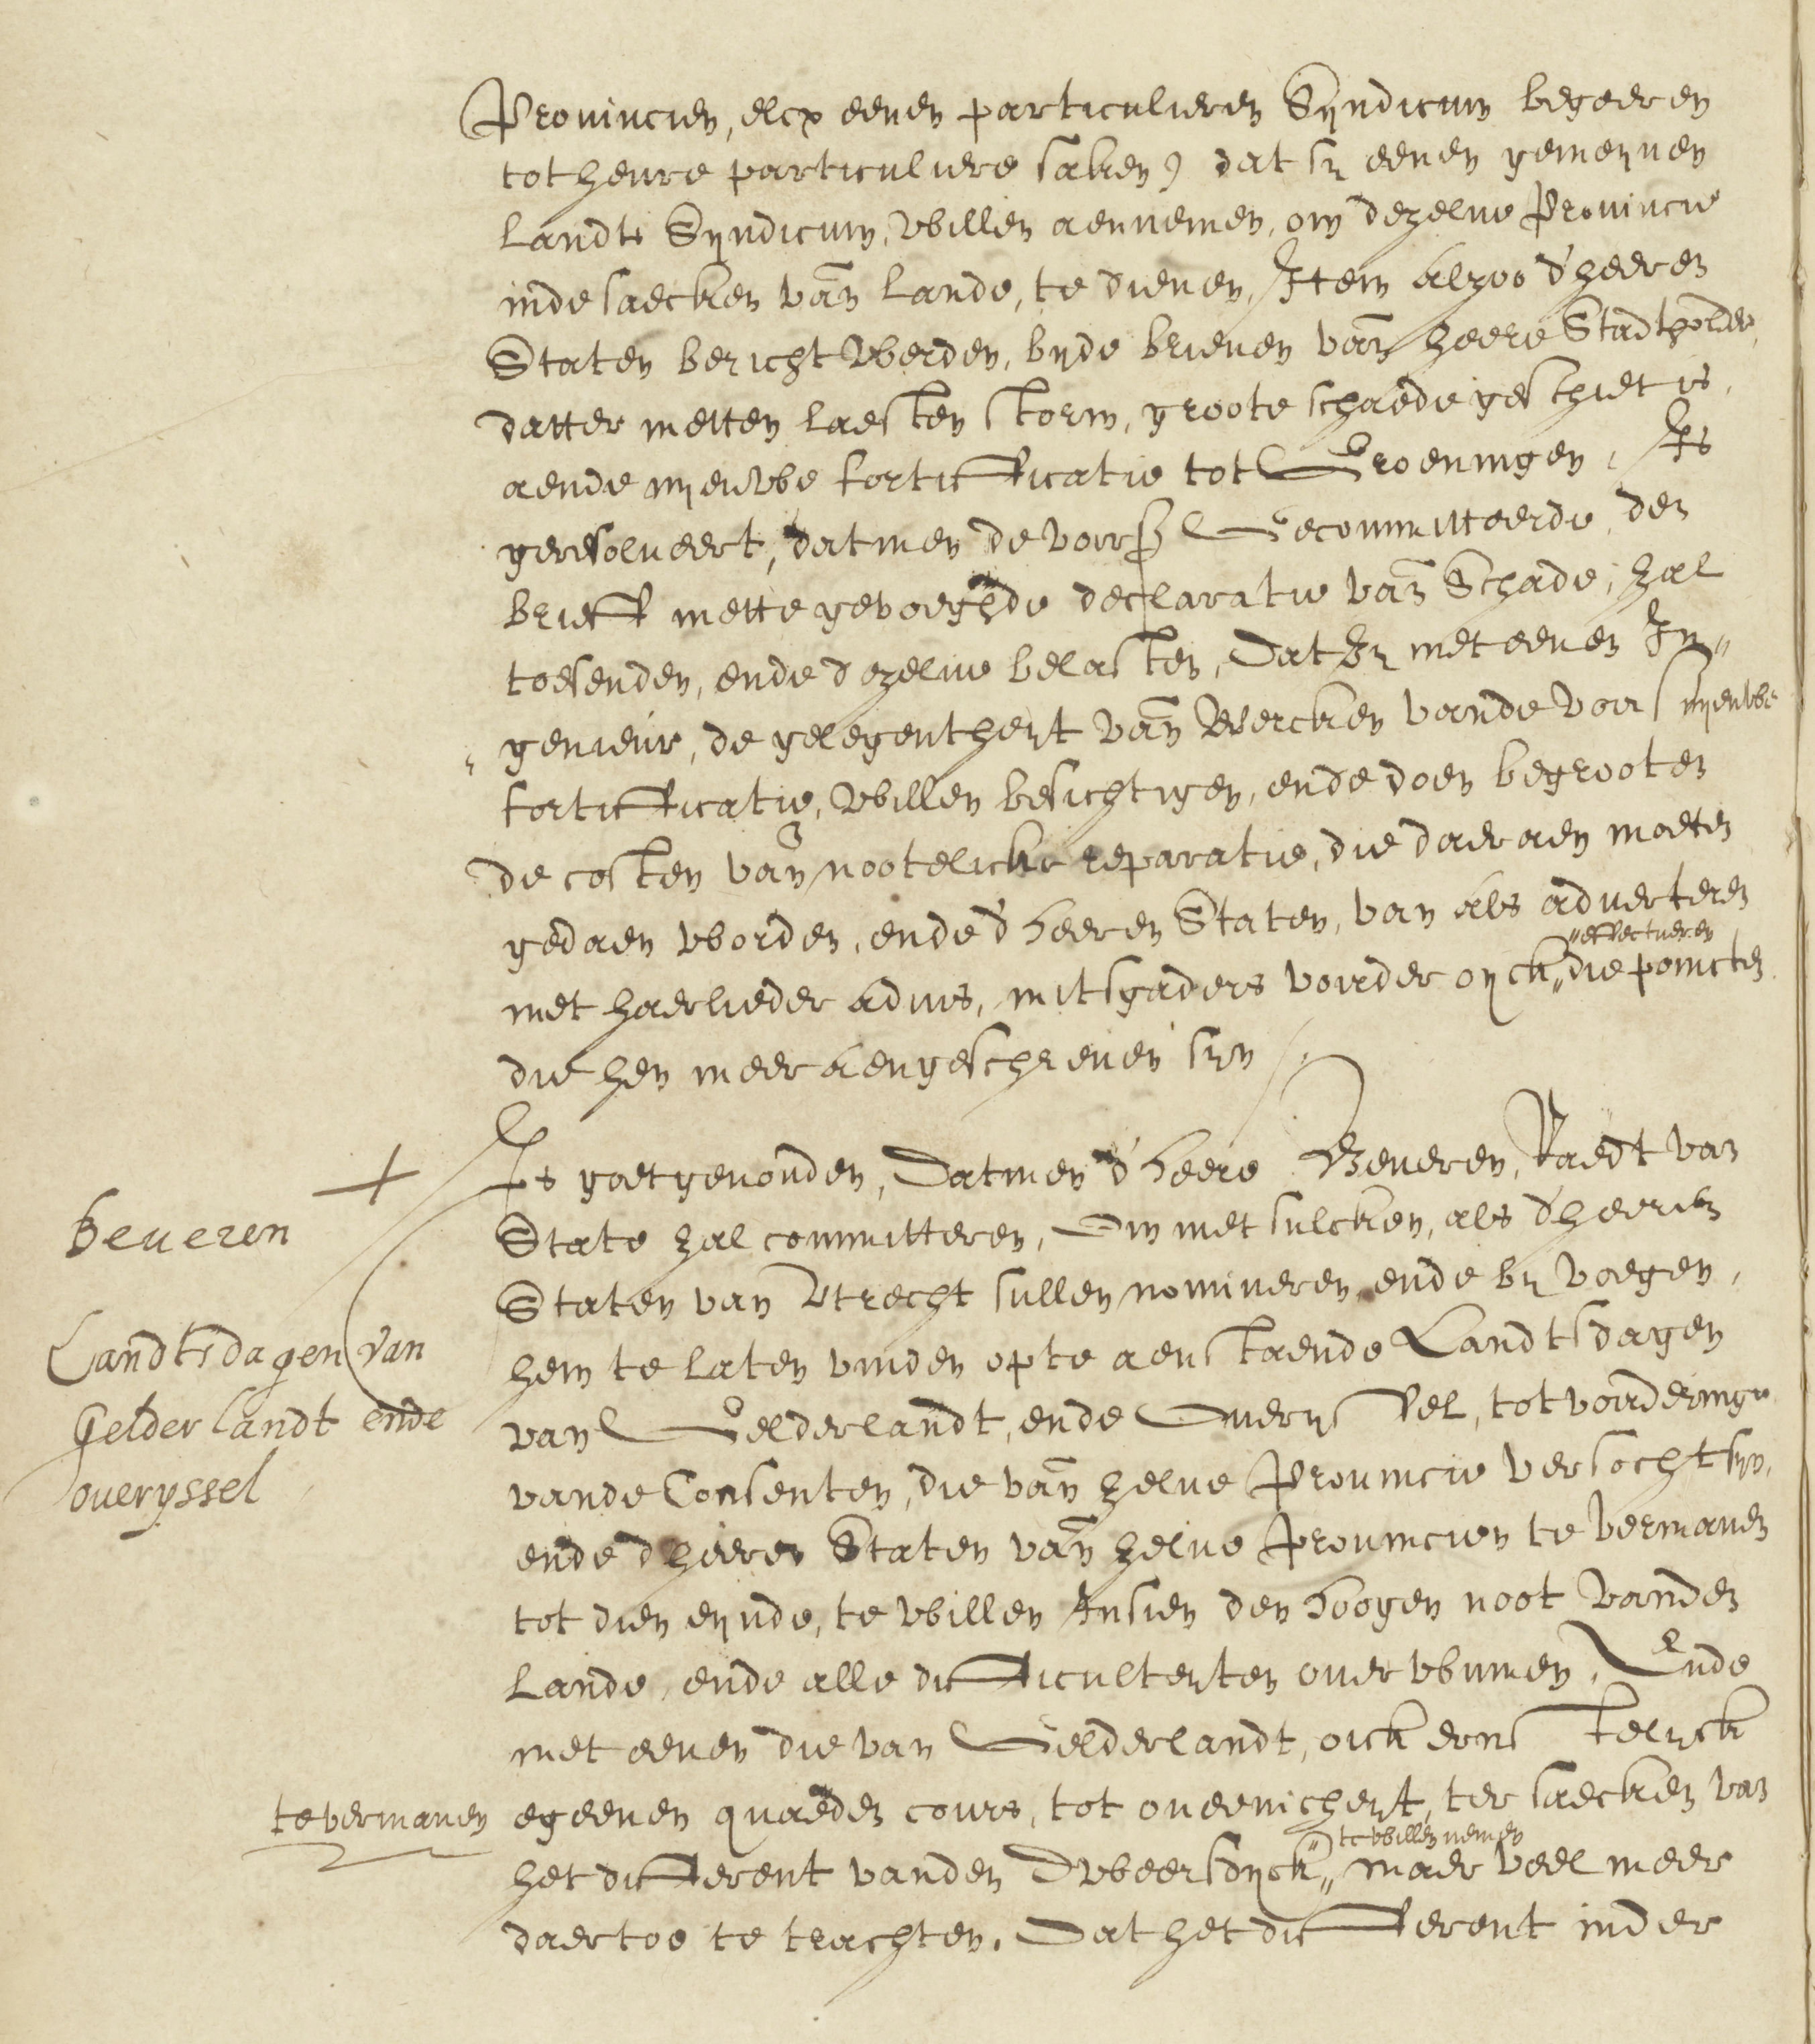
Prouincien, elcx eenen particulieren Syndicum begeeren
tot heure particuliere saken & dat sy eenen gemeynen
landts Syndicum willen aennemen, om dezelue Prouincie
inde saecken van lande, te dienen. Item alszoo d'heeren
Staten bericht werden, byde brieuen van heere Stadtholder,
datter metten laesten storm, groote schaede geschiet is,
aende nyeuwe fortifficatie tot Groeningen. Is
geresolueert, dat men de voirs Gecommitteerde den
brieff mette gevoeghde declaratie van Schade, zal
toesenden, ende dezelue belasten, dat zy met eenen In,,
genieur, de gelegentheyt van wercken van die voirs nyeuwe
fortifficatie, willen besichtigen, ende doen begrooten
de costen van nootelicke reparatie, die daer aen moeten
gedaen worden, ende d'heeren Staten van als aduerteren
,,effectueren
met haerlieder aduis, mitsgaders voirder oyck,,die poincten
die hen meer aengeschreuen syn.
Beueren
Landtsdagen van
Gelderlandt ende
oueryssel
te vermanen
Is goetgeuonden, dat men d'heere Beueren, Raedt van
State zal committeren, Om met sulcken, als d'heeren
Staten van Utrecht sullen nomineren ende by voegen,
hem te laten vinden opte aenstaende Landtsdagen
van Gelderlandt, ende Oueryssel, tot voirderinge
vande Consenten, die van zelue Prouincie versocht syn,
ende d'heeren Staten van zelue Prouincien te vermanen
tot dien eynde, te willen insien den hoogen noot vanden
lande, ende alle difficulteyten ouerwinnen, Ende
met eenen die van Gelderlandt, oick ernstelyck
egeenen quaden cours, tot oneenicheyt ter saecken van
,,te willen nemen
het different vanden dweersdyck,, maer veel meer
daertoe te trachten, dat het different inder
